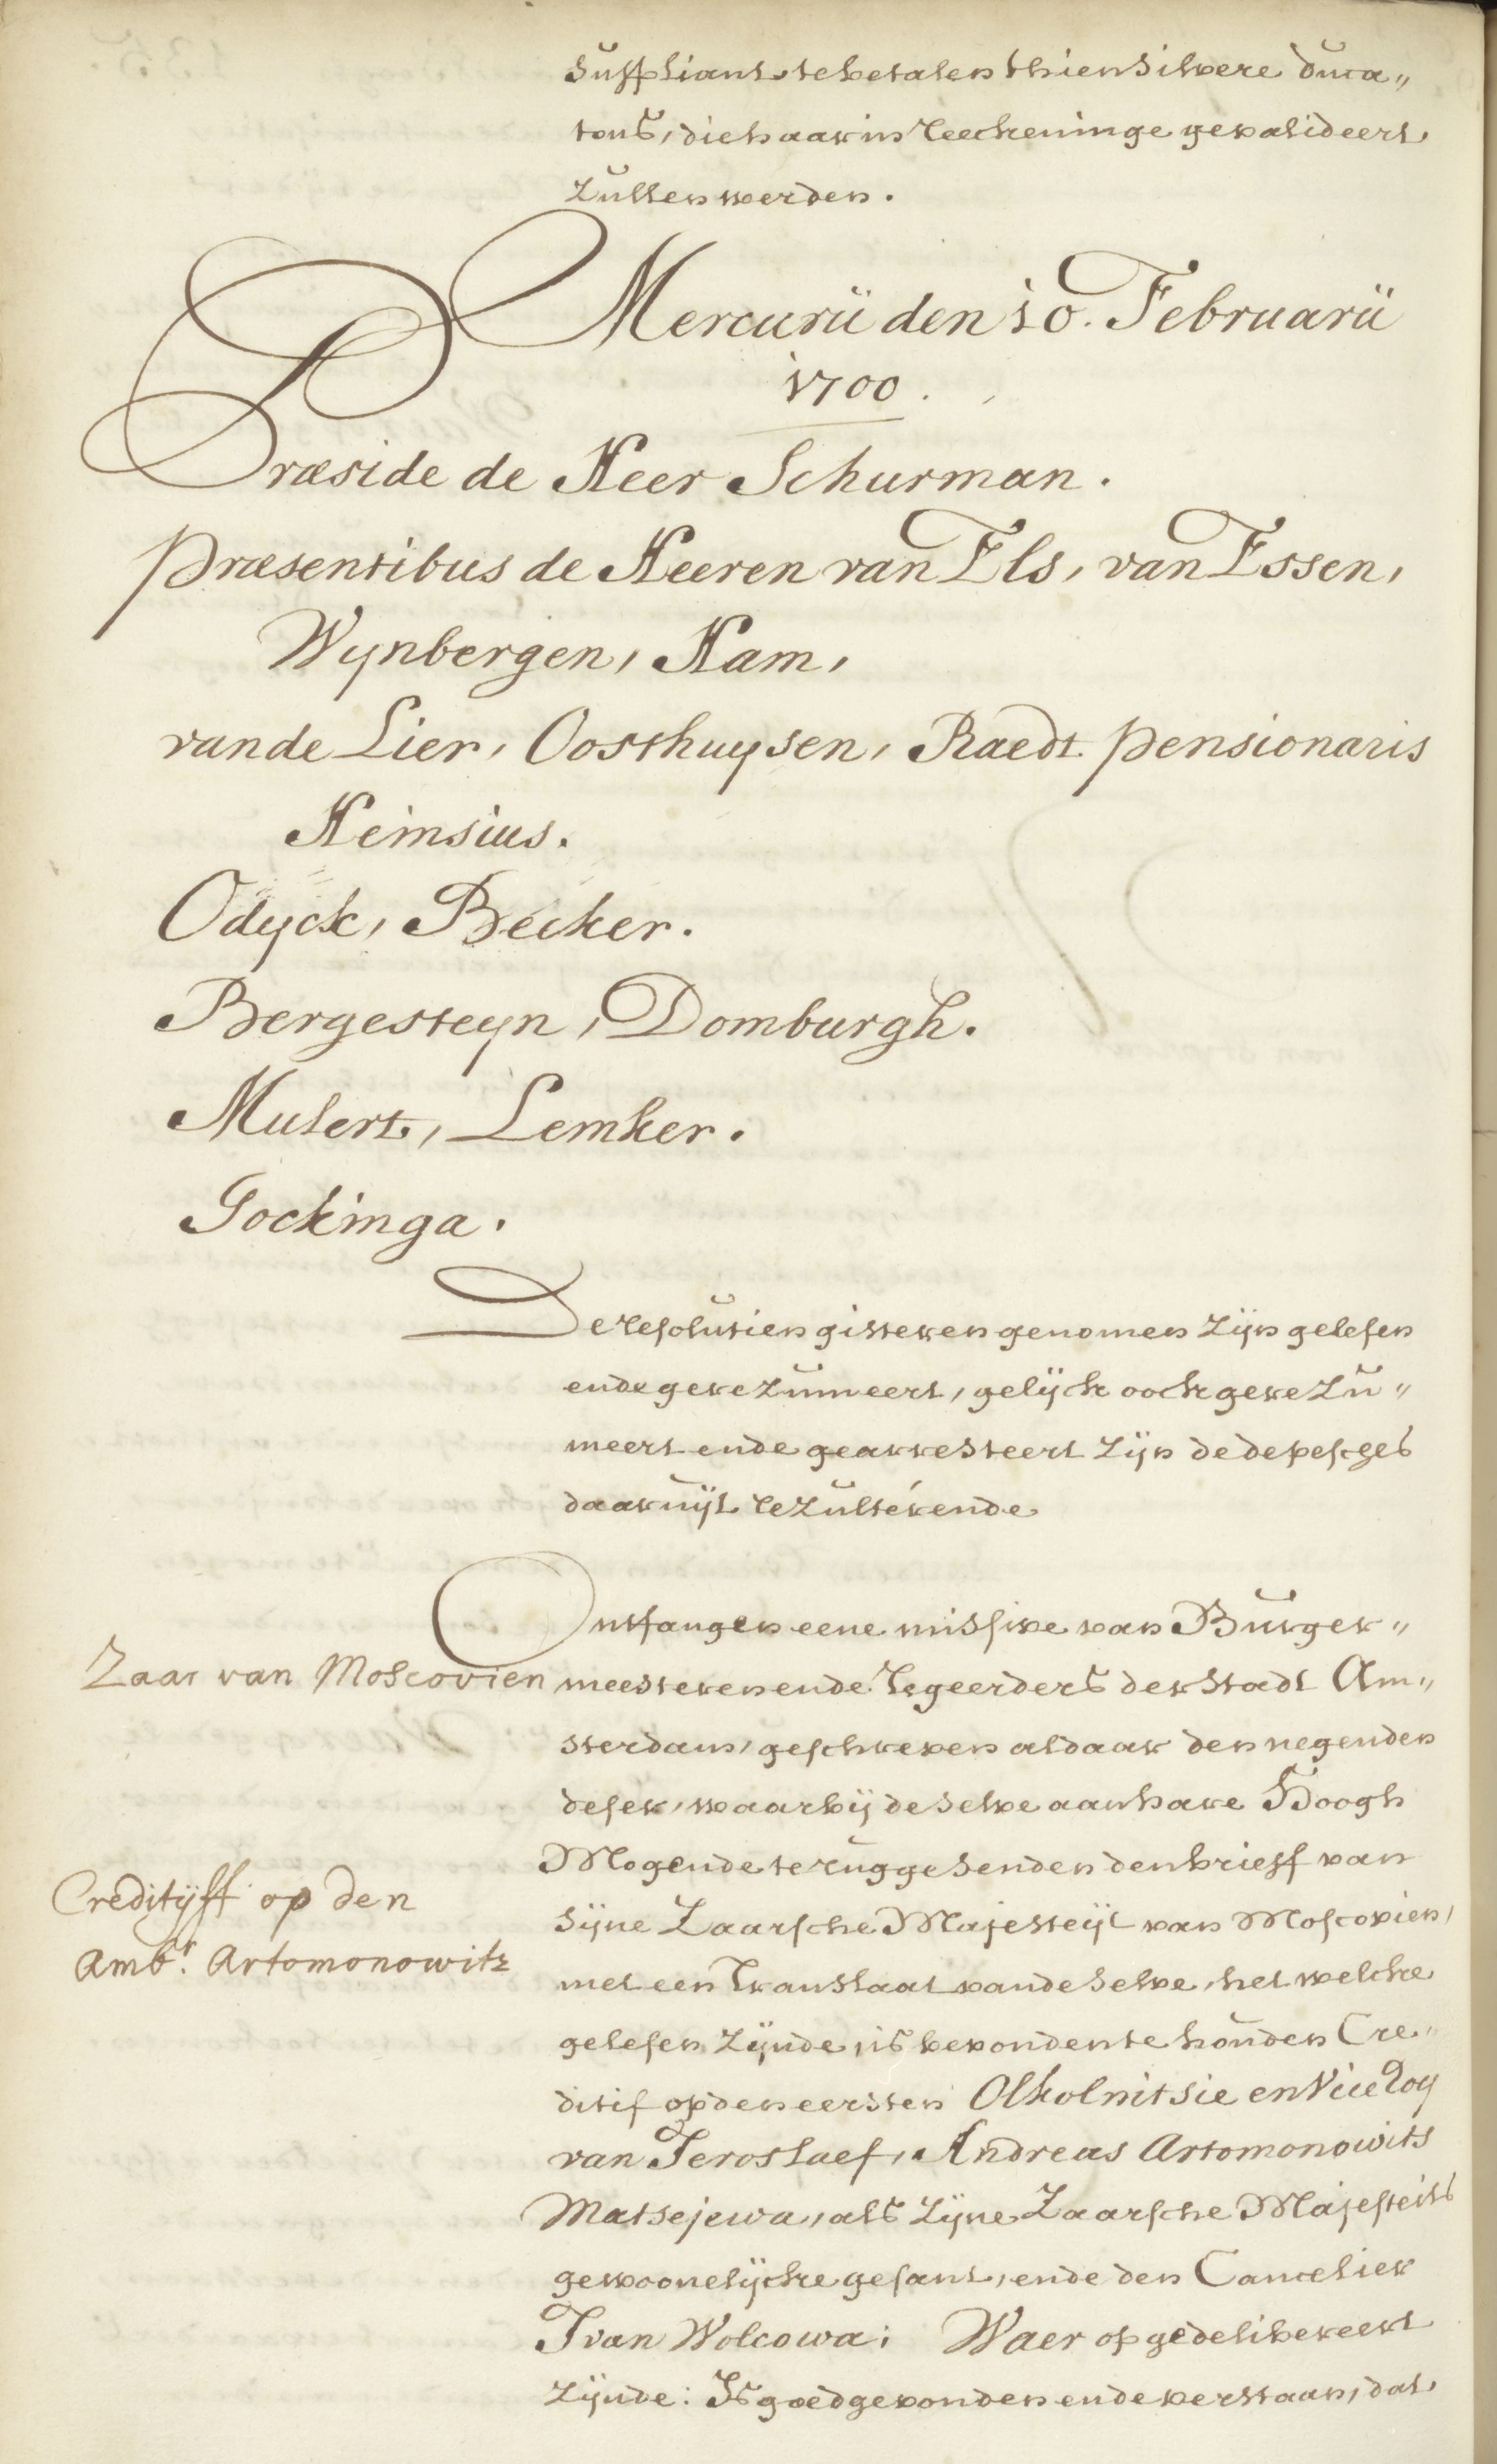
suppliant te betalen thien silvere duca„
tens, die haar in reeckeninge gevalideert
zullen werden.
Mercurie den 10. Februarii
1700.
Præside de Heer Schurman.
Præsentibus de Heeren van Els, van Essen,
Wynbergen, Ham.
vande Lier, Oosthuiysen, Raedt pensionaris
Heinsius.
Odyck, Becker.
Bergesteyn, Domburgh.
Mulert, Lemker.
Gockinga.
De resolutien gisteren genomen zijn gelesen
ende gerezumeert, gelijck oock gerezu„
meert ende gearresteert zijn de depesches
daaruijt rezulterende
Zaar van Moscovien
Creditijff op den
ambr. Artomonowitz
Ontfangen eene missive van Burger„,
meesteren ende Regeerders der stadt Am„
sterdam geschreven aldaar den negenden
deser, waarbij deselve aan hare Hoogh
Mogende terugge senden den brieff van
sijne Zaarsche Majesteijt van Moscovien,
met een Translaat van deselve, het welcke
gelesen zijnde, is bevonden te houden Cre,,
ditif opden eersten Olkolnitsie en Viceroij
van Teroslaef, Andreas Artomonowits
Matsejewa, als zijne Zaarsche Majesteits
gewoonelijcke gesant, ende den Cancelier
Ivan Wolcowa: Waer op gedelibereert
zijnde: is goedgevonden ende verstaan, dat
